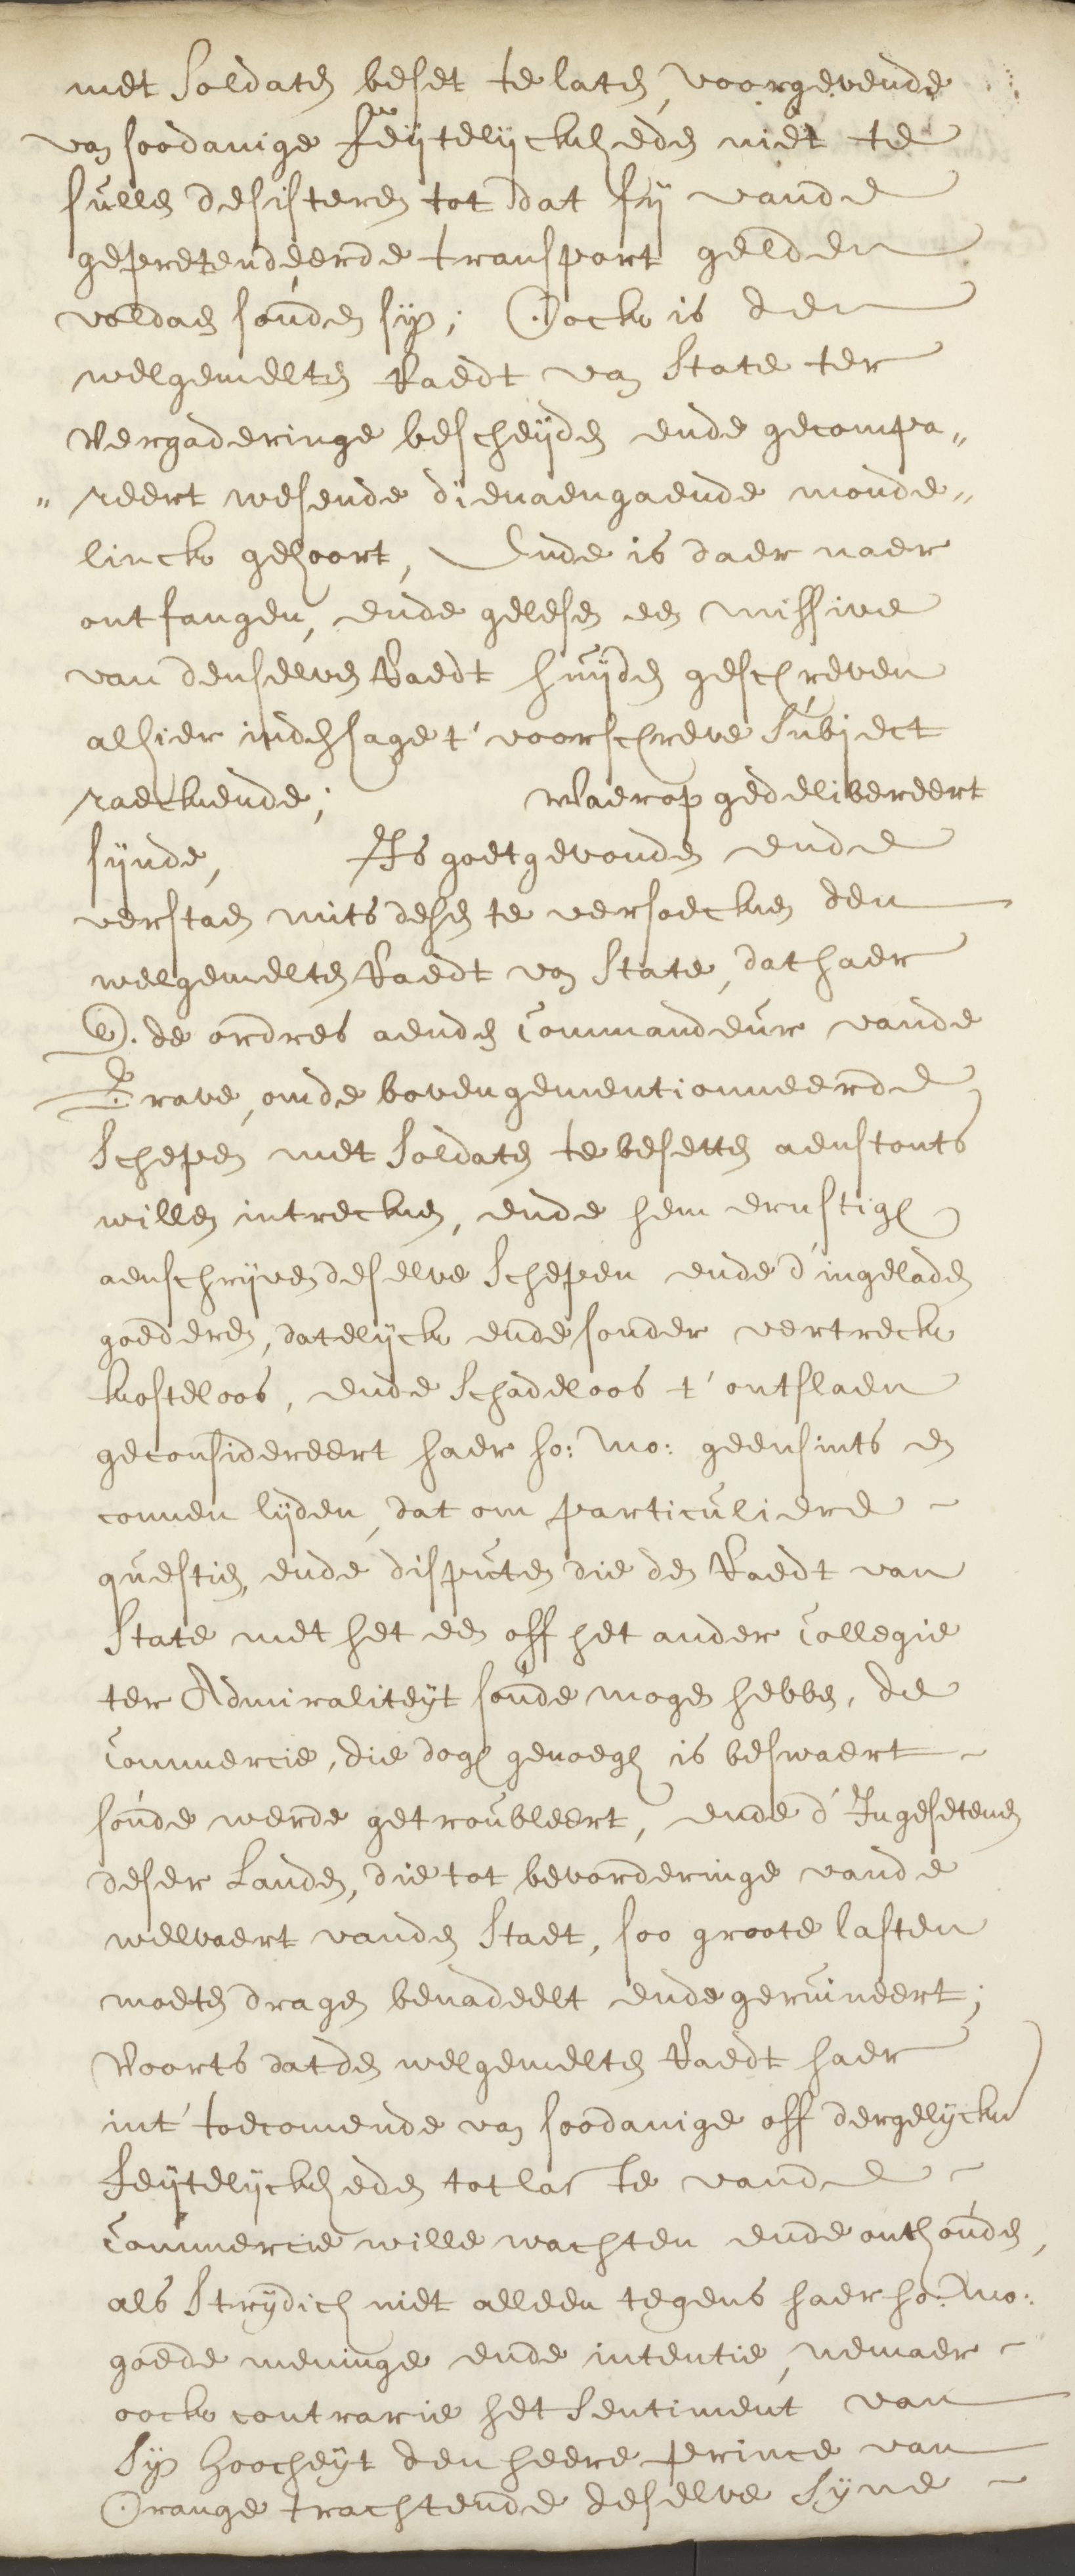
met Soldaten beset te laten, voorgevende
van soodanige feijtelijckheden niet te
sullen desisteren tot dat sij vande
gepretendeerde transport gelden
voldaen souden sijn; Oock is den
welgemelten Raedt van State ter
Vergaderinge bescheijden ende gecompa„
„reert wesende dienaengaende monde„
linck gehoort, Ende is daer naer
ontfangen, ende gelesen een missive
van denselven Raedt huijden geschreven
alhier inde hage t' voorschreve Subject
raeckende; Waerop gedelibereert
sijnde, Is goetgevonden ende
verstaen mits desen te versoecken den
welgemelten Raedt van State, dat haer
E. de ordres aenden Commandeur vande
Grave, om de bovengementionneerde
Schepen met Soldaten te besetten aenstonts
willen intrecken, ende hem ernstigh
aenschrijven deselve Schepen ende d'ingeladen
goederen, datelijck ende sonder vertreck
kosteloos, ende schadeloos t'ontslaen
geconsidereert haer Ho:Mo: geensints en
connen lijden, dat om particuliere
questien, ende disputen die den Raedt van
State met het een off het ander Collegie
ter Admiraliteijt soude mogen hebben, de
Commercie, die dogh genoegh is beswaert
soude werde getroubleert ende d'Ingesetenen
deser Landen, die tot bevorderinge vande
welvaert vanden Staet, soo groote lasten
moeten dragen benadeelt ende geruineert;
Voorts dat den welgemelten Raedt haer
int' toecomende van soodanige off dergelijcke
feijtelijckheden tot laste vande
Commercie wille wachten ende onthouden,
als Strijdich niet alleen tegens haer Ho:Mo:
goede meninge ende intentie, nemaer
oock contrarie het sentiment van
Sijn hoocheijt den heere Prince van
Orange trachtende deselve Sijne -
